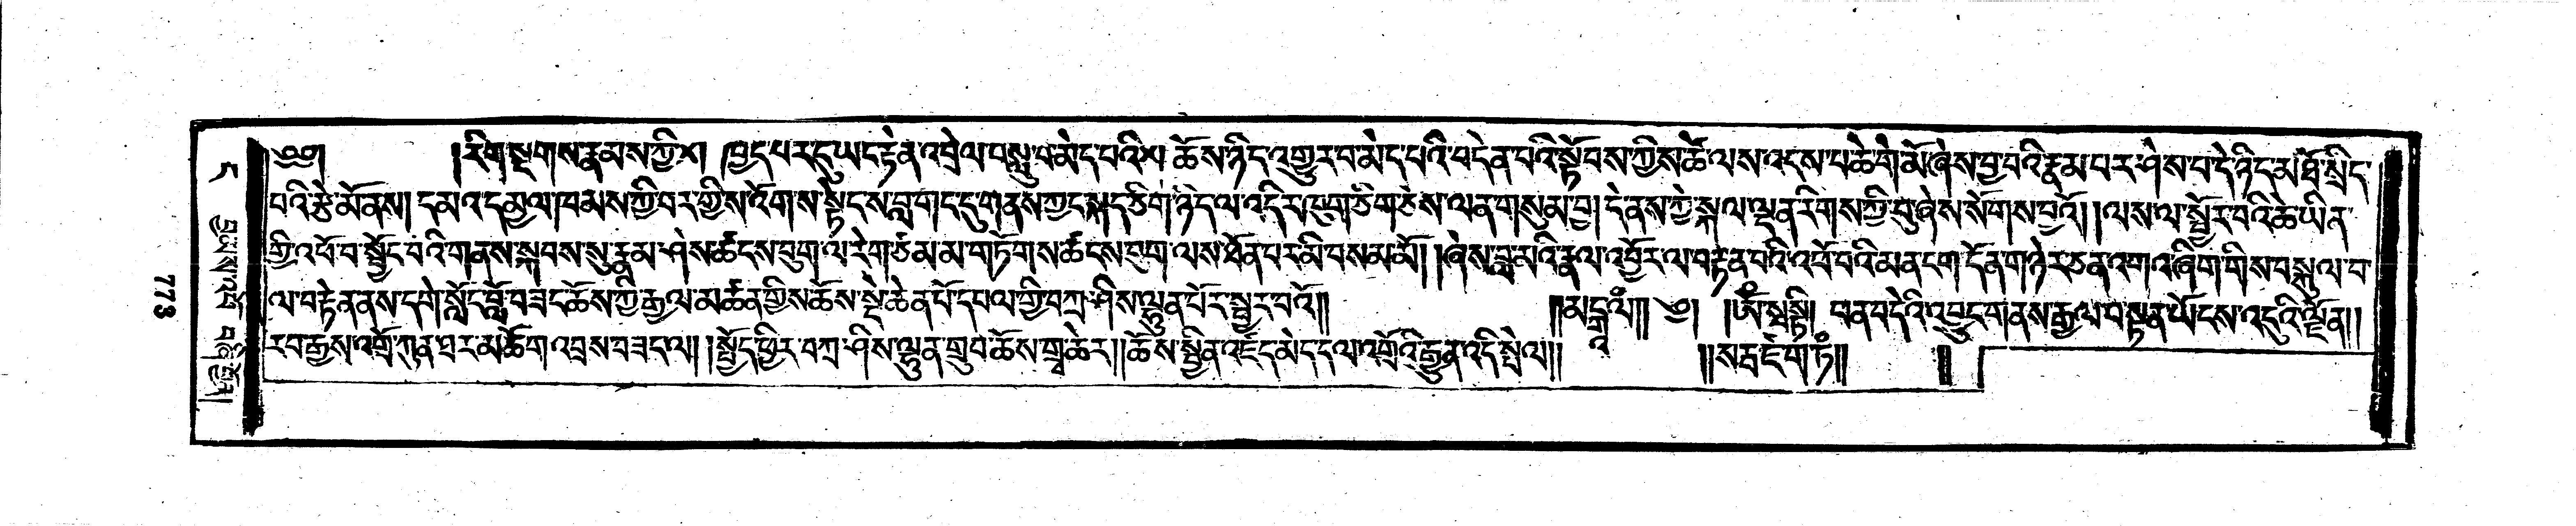༄༅། །རིག་སྔགས་རྣམས་ཀྱི་྾། ཁྱད་པར་དུ་ཡང་རྟེན་འབྲེལ་བསླུ་བ་མེད་པའི་྾། ཆོས་ཉིད་འགྱུར་བ་མེད་པའི་བདེན་པའི་སྟོབས་ཀྱིས་ཚེ་ལས་འདས་པ་ཆེ་གེ་མོ་ཞེས་བྱ་བའི་རྣམ་པར་ཤེས་པ་དེ་ཉིད་མཐོ་སྲིད་
པའི་རྩེ་མོ་ནས། དམའ་དམྱལ་ཁམས་ཀྱི་བར་གྱི་ས་འོག་ས་སྟེང་ས་བླ་གང་དུ་གནས་ཀྱང་སྐད་ཅིག་ཉིད་ལ་འདིར་ཁུག་ཅིག་ཅེས་ལན་གསུམ་བྱ། དེ་ནས་ཀྱེ་སྐལ་ལྡན་རིགས་ཀྱི་བུ་ཞེས་སོགས་བྱའོ། །ལས་ལ་སྦྱོར་བའི་ཆེ་ཡིན་
གྱི་འཕོ་བ་སྦྱོང་བའི་གནས་སྐབས་སུ་རྣམ་ཤེས་ཚངས་བུག་ལ་རེག་ཙམ་མ་གཏོགས་ཚངས་བུག་ལས་ཐོན་པར་མི་བསམ་མོ། །ཞེས་བླ་མའི་རྣལ་འབྱོར་ལ་བརྟེན་པའི་འཕོ་བའི་མན་ངག་དོན་གཉེར་ཅན་འགའ་ཞིག་གིས་བསྐུལ་བ་
ལ་བརྟེན་ནས་དགེ་སློང་བློ་བཟང་ཆོས་ཀྱི་རྒྱལ་མཚན་གྱིས་ཆོས་སྡེ་ཆེན་པོ་དཔལ་གྱི་བཀྲ་ཤིས་ལྷུན་པོར་སྦྱར་བའོ།། །།མངྒཱ་ལཾ།། ༄༅། །ཨོཾ་སྭསྟི། ཕན་བདེའི་འབྱུང་གནས་རྒྱལ་བསྟན་ཡོངས་འདུའི་ལྗོན།།
རབ་རྒྱས་འགྲོ་ཀུན་ཐར་མཆོག་འབྲས་བཟང་ལ། །སྤྱོད་ཕྱིར་བཀྲ་ཤིས་ལྷུན་གྲུབ་ཆོས་གྲྭ་ཆེར། །ཆོས་སྦྱིན་འཛད་མེད་དལ་འགྲོའི་རྒྱུན་འདི་སྤེལ།། །།སརྦ་ཛ་ག་ཏཾ།། །།